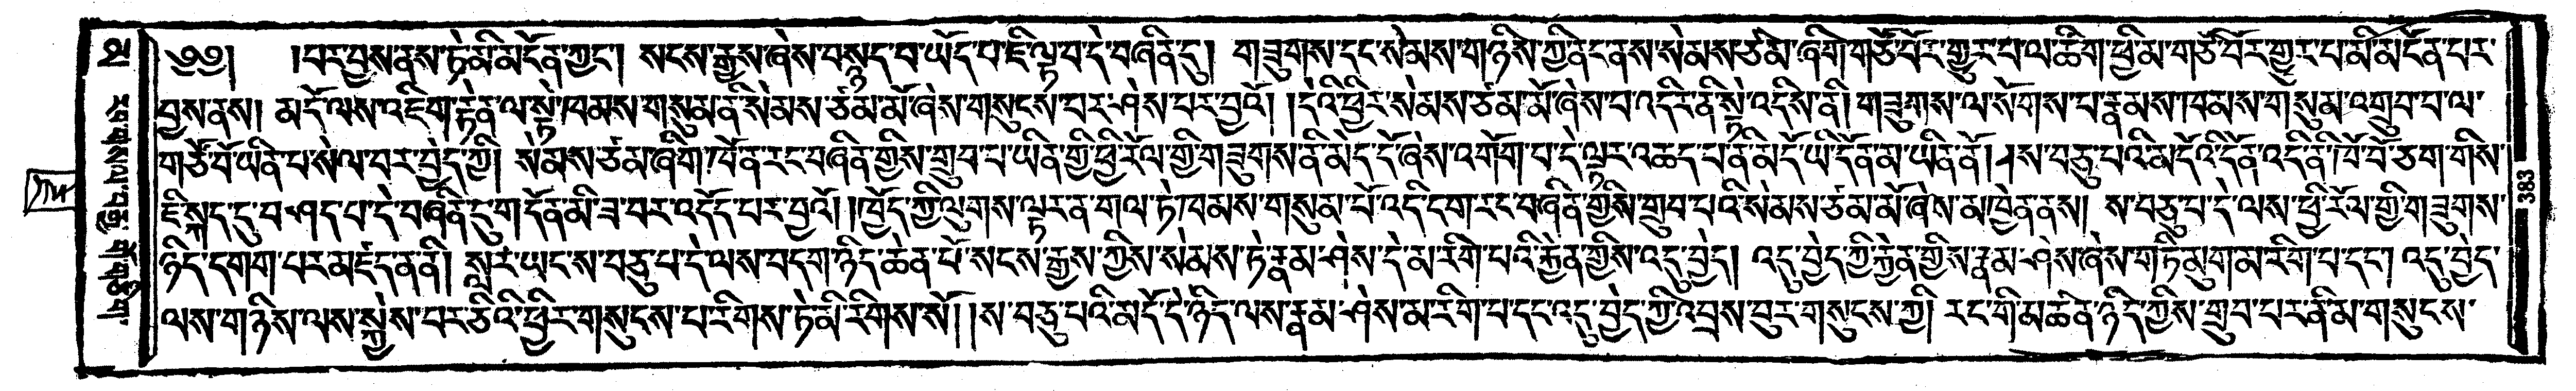༄༅། །པར་བྱས་ནས་ཏེ་མི་མངོན་ཀྱང་། སངས་རྒྱས་ཞེས་བསྙད་པ་ཡོད་པ་ཇི་ལྟ་བ་དེ་བཞིན་དུ། གཟུགས་དང་སེམས་གཉིས་ཀྱི་ནང་ནས་སེམས་ཙམ་ཞིག་གཙོ་བོར་གྱུར་པ་ལ་ཚིག་ཕྱི་མ་གཙོ་བོར་གྱུར་པ་མི་མངོན་པར་
བྱས་ནས། མདོ་ལས་འཇིག་རྟེན་ལ་སྟེ་ཁམས་གསུམ་ནི་སེམས་ཙམ་མོ་ཞེས་གསུངས་པར་ཤེས་པར་བྱའོ། །དེའི་ཕྱིར་སེམས་ཙམ་མོ་ཞེས་པ་འདིར་ནི་སྟེ་འདིས་ནི། གཟུགས་ལ་སོགས་པ་རྣམས་ཁམས་གསུམ་འགྲུབ་པ་ལ་
གཙོ་བོ་ཡིན་པ་སེལ་བར་བྱེད་ཀྱི། སེམས་ཙམ་ཞིག་ཁོ་ན་རང་བཞིན་གྱིས་གྲུབ་པ་ཡིན་གྱི་ཕྱི་རོལ་གྱི་གཟུགས་ནི་མེད་དོ་ཞེས་འགོག་པ་དེ་ལྟར་འཆད་པ་ནི་མདོ་ཡི་དོན་མ་ཡིན་ནོ། །ས་བཅུ་པའི་མདོའི་དོན་འདི་ནི་ཁོ་བོ་ཅག་གིས་
ཇི་སྐད་དུ་བཤད་པ་དེ་བཞིན་དུ་གདོན་མི་ཟ་བར་འདོད་པར་བྱའོ། །ཁྱོད་ཀྱི་ལུགས་ལྟར་ན་གལ་ཏེ་ཁམས་གསུམ་པོ་འདི་དག་རང་བཞིན་གྱིས་གྲུབ་པའི་སེམས་ཙམ་མོ་ཞེས་མཁྱེན་ནས། ས་བཅུ་པ་དེ་ལས་ཕྱི་རོལ་གྱི་གཟུགས་
ཉིད་དགག་པར་མཛད་ན་ནི། སླར་ཡང་ས་བཅུ་པ་དེ་ལས་བདག་ཉིད་ཆེན་པོ་སངས་རྒྱས་ཀྱིས་སེམས་ཏེ་རྣམ་ཤེས་དེ་མ་རིག་པའི་རྐྱེན་གྱིས་འདུ་བྱེད། འདུ་བྱེད་ཀྱི་རྐྱེན་གྱིས་རྣམ་ཤེས་ཞེས་གཏི་མུག་མ་རིག་པ་དང་། འདུ་བྱེད་
ལས་གཉིས་ལས་སྐྱེས་པར་ཅིའི་ཕྱིར་གསུངས་པ་རིགས་ཏེ་མི་རིགས་སོ། །ས་བཅུ་པའི་མདོ་དེ་ཉིད་ལས་རྣམ་ཤེས་མ་རིག་པ་དང་འདུ་བྱེད་ཀྱི་འབྲས་བུར་གསུངས་ཀྱི། རང་གི་མཚན་ཉིད་ཀྱིས་གྲུབ་པར་ནི་མ་གསུངས་